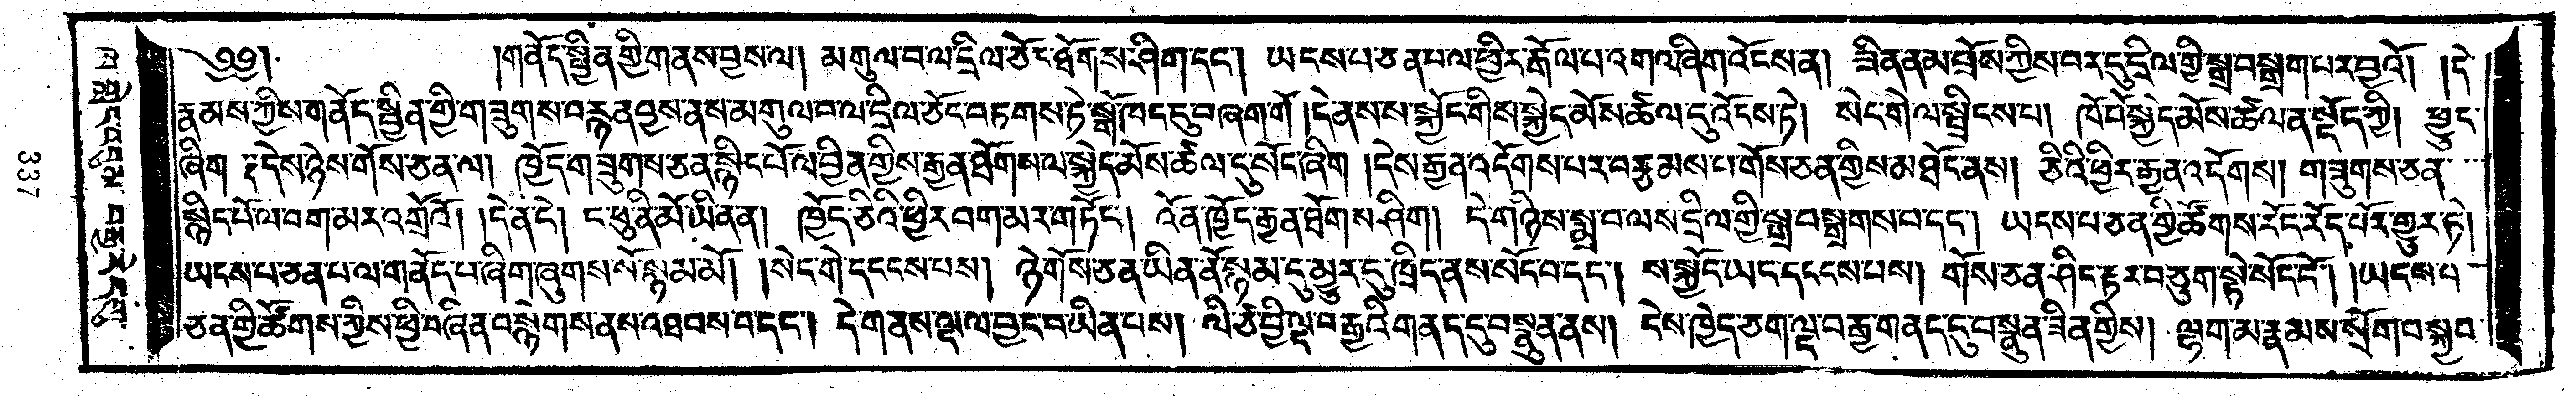༄༅། །གནོད་སྦྱིན་གྱི་གནས་བྱས་ལ། མགུལ་བ་ལ་དྲིལ་ཅོང་ཐོགས་ཤིག་དང་། ཡངས་པ་ཅན་པ་ལ་ཕྱིར་རྒོལ་པ་འགའ་ཞིག་འོངས་ན། ཟིན་ནམ་བྲོས་ཀྱིས་བར་དུ་དྲིལ་གྱི་སྒྲ་བསྒྲག་པར་བྱའོ། །དེ་
རྣམས་ཀྱིས་གནོད་སྦྱིན་གྱི་གཟུགས་བརྙན་བྱས་ནས་མགུལ་བ་ལ་དྲིལ་ཅོང་བཏགས་ཏེ་སྒོ་ཁང་དུ་བཞག་གོ །དེ་ནས་ས་སྐྱོང་གིས་སྐྱེད་མོས་ཚལ་དུ་འོངས་ཏེ། སེང་གེ་ལ་སྦྲིངས་པ། ཁོ་བོ་སྐྱེད་མོས་ཚལ་ན་སྡོད་ཀྱི། ཕྱུང་
ཞིག ༑དེས་ཉེས་གོས་ཅན་ལ། ཁྱོད་གཟུགས་ཅན་སྙིང་པོ་ལ་བྱིན་གྱིས་རྒྱན་ཐོགས་ལ་སྐྱེད་མོས་ཚལ་དུ་སོང་ཞིག །དེས་རྒྱན་འདོགས་པར་བརྩམས་པ་གོས་ཅན་གྱིས་མཐོང་ནས། ཅིའི་ཕྱིར་རྒྱན་འདོགས། གཟུགས་ཅན་
སྙིང་པོ་ལ་བག་མར་འགྲོའོ། །དེ་ན་ངེ། ང་ཕུ་ནི་མོ་ཡིན་ན། ཁྱོད་ཅིའི་ཕྱིར་བག་མར་གཏོང་། འོ་ན་ཁྱོད་རྒྱན་ཐོགས་ཤིག། དེ་གཉིས་སྨྲ་བ་ལས་དྲི་ལ་གྱི་སྒྲ་བསྒྲགས་པ་དང་། ཡངས་པ་ཅན་གྱི་ཚོགས་རོང་རོད་པོར་གྱུར་ཏེ།
ཡངས་པ་ཅན་པ་ལ་གནོད་པ་ཞིག་ཞུགས་སོ་སྙམ་མོ། །སེང་གེ་དངངས་པས། ཉེ་གོས་ཅན་ཡིན་ནོ་སྙམ་དུ་མྱུར་དུ་ཁྲིད་ནས་སོང་བ་དང་། ས་སྐྱོང་ཡང་དངངས་པས། གོས་ཅན་ཤིང་རྟར་བཅུག་སྟེ་སོང་ངོ། །ཡངས་པ་
ཅན་གྱི་ཚོགས་ཀྱིས་ཕྱི་བཞིན་བསྙེགས་ནས་འཐབས་བ་དང་། དེ་གནས་ལྔ་ལ་བྱང་བ་ཡིན་པས། ལི་ཙ་བྱི་ལྔ་བརྒྱའི་གནད་དུ་བསྣུན་ནས། ངེས་ཁྱེད་ཅག་ལྔ་བརྒྱ་གནད་དུ་བསྣུན་ཟིན་གྱིས། ལྷག་མ་རྣམས་སྲོག་བསྐྱབ་